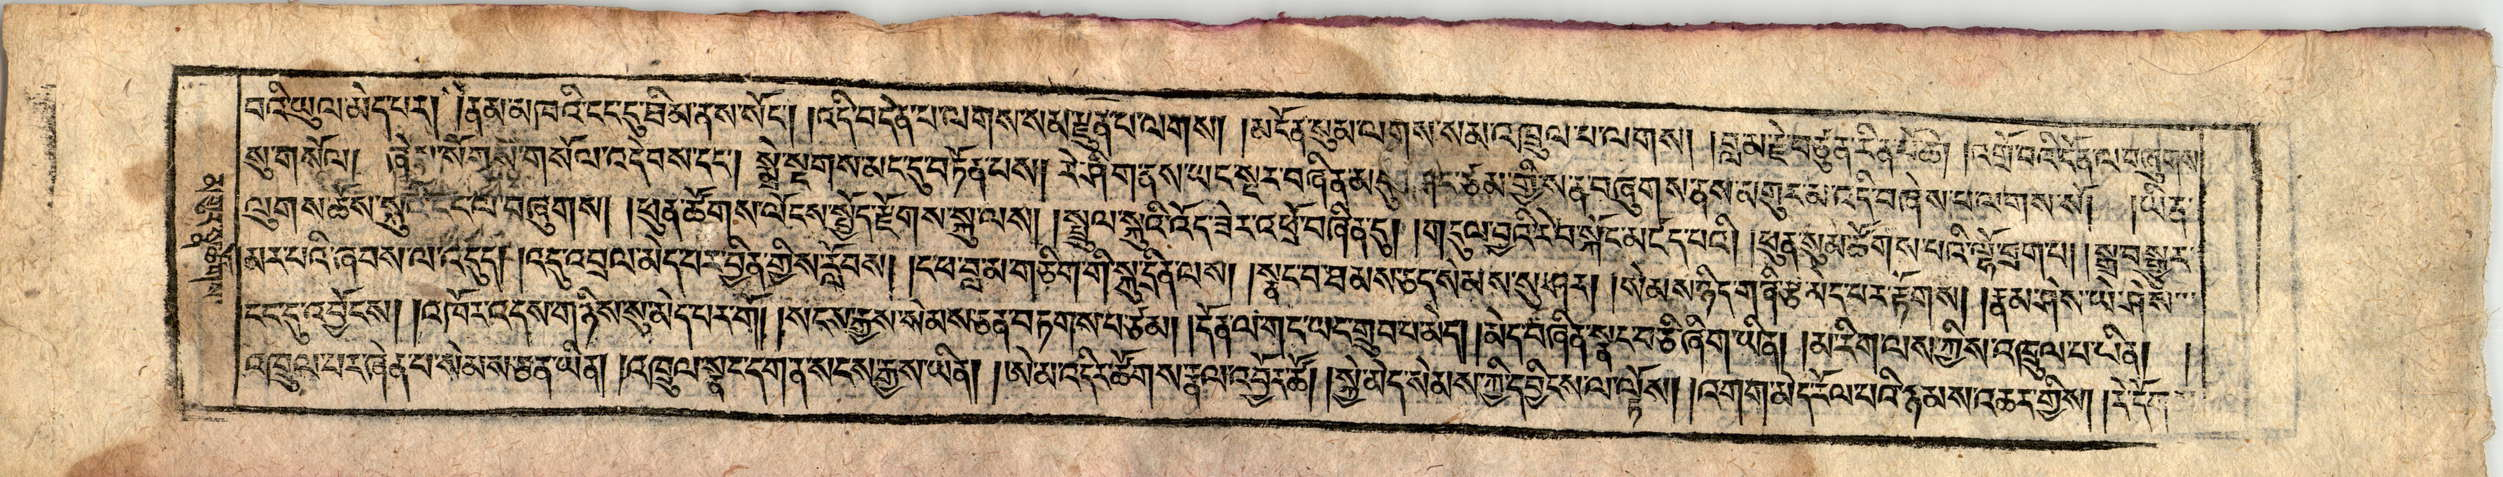བའི་ཡུལ་མེད་པར། །ནམ་མཁའི་ངང་དུ་ཐིམ་ནས་སོང་། །འདི་བདེན་པ་ལགས་སམ་རྫུན་པ་ལགས། །མངོན་སུམ་ལགས་སམ་འཁྲུལ་པ་ལགས། །བླ་མ་རྗེ་བཙུན་རིན་པོ་ཆེ། །འགྲོ་བའི་དོན་ལ་བཞུགས་
སུ་གསོལ། ཞེས་སོགས་གསོལ་འདེབས་དང་། སྨྲེ་སྔགས་མང་དུ་བཏོན་པས། རེ་ཤིག་ནས་ཡང་སྔར་བཞིན་མདུང་ཤིང་ཙམ་གྱི་ས་ན་བཞུགས་ནས་མགུར་མ་འདི་བཞེས་པ་ལགས་སོ། །ཡིན་
ལུགས་ཆོས་སྐུའི་ངང་ལ་བཞུགས། །ཕུན་ཚོགས་ལོངས་སྤྱོད་རྫོགས་སྐུ་ལས། །སྤྲུལ་སྐུའི་འོད་ཟེར་འཕྲོ་བཞིན་དུ། །གདུལ་བྱའི་རེ་བ་སྐོང་མཛད་པའི། །ཕུན་སུམ་ཚོགས་པའི་ལྷོ་བྲག་པ། །སྒྲ་བསྒྱུར་
མར་པའི་ཞབས་ལ་འདུད། །འདུ་འབྲལ་མེད་པར་བྱིན་གྱིས་རློབས། །ང་ཕ་བླ་མ་གཅིག་གི་སྐུ་དྲིན་ལས། །སྣང་བ་ཐམས་ཅད་སེམས་སུ་ཤར། །སེམས་ཉིད་གཞི་རྩ་མེད་པར་རྟོགས། །རྣམ་ཤེས་ཡེ་ཤེས་
ངང་དུ་འབྱོངས། །འཁོར་འདས་གཉིས་སུ་མེད་པར་གོ། །སངས་རྒྱས་སེམས་ཅན་བཏགས་པ་ཙམ། །དོན་ལ་གང་ཡང་གྲུབ་པ་མེད། །མེད་བཞིན་སྣང་བ་ཅི་ཞིག་ཡིན། །མ་རིག་ལས་ཀྱིས་འཁྲུལ་པ་ཡིན། །
འཁྲུལ་པར་ཞེན་པ་སེམས་ཅན་ཡིན། །འཁྲུལ་སྣང་དག་ན་སངས་རྒྱས་ཡིན། །ཨེ་མ་འདིར་ཚོགས་རྣལ་འབྱོར་ཚོ། །སྐྱེ་མེད་སེམས་ཀྱི་དབྱིངས་ལ་ལྟོས། །འགག་མེད་རོལ་པའི་ཉམས་འཆར་གྱིས། །རེ་དོགས་